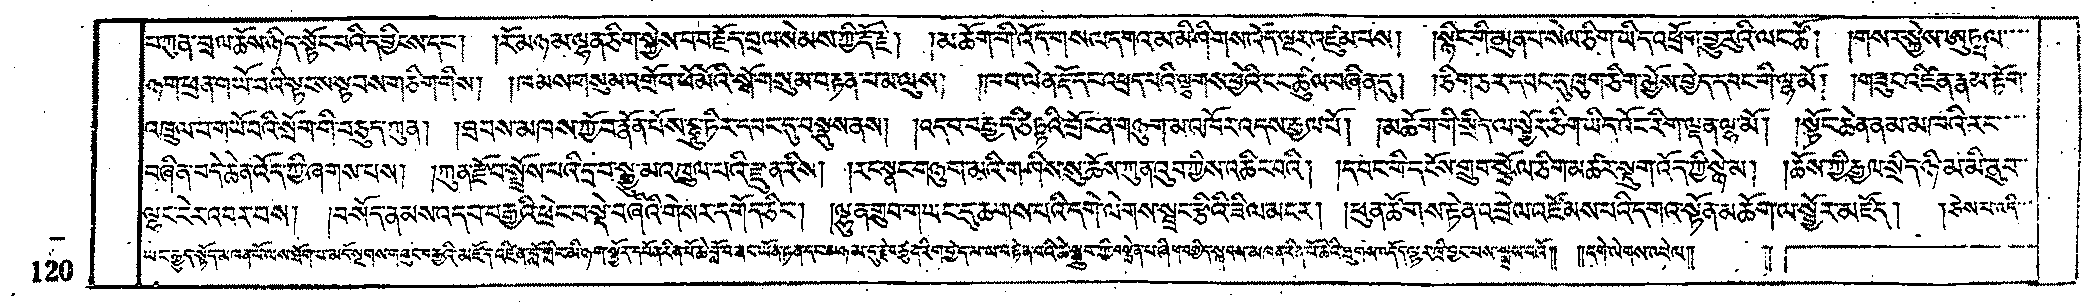པ་ཀུན་བྲལ་ཆོས་ཉིད་སྟོང་པའི་དབྱིངས་དང་། །རོ་མཉམ་ལྷན་ཅིག་སྐྱེས་པ་བརྗོད་བྲལ་སེམས་ཀྱི་རྡོ་རྗེ། །མཆོག་གི་འོད་གསལ་དགའ་མ་མི་ཤིགས་འོད་ལྔར་འཛུམ་པས། །སྙིང་གི་མུན་པ་སེལ་ཅིག་ཡིད་འཕྲོག་བྱུ་རུའི་ལང་ཚོ། །གསར་སྐྱེས་ཨུཏྤལ་་་
ཉག་ཕྲན་གཡོ་བའི་སྟངས་སྟབས་གཅིག་གིས། །ཁམས་གསུམ་འགྲོ་བ་ཕོ་མོའི་སྒོ་གསུམ་བརྟན་པ་མ་ལུས། །ཁབ་ལེན་རྡོ་དང་འཕྲད་པའི་ལྕགས་ཕྱེའི་ངང་ཚུལ་བཞིན་དུ། །ཅིག་ཅར་དབང་དུ་ཁུག་ཅིག་མྱོས་བྱེད་དབང་གི་ལྷ་མོ། །གཟུང་འཛིན་རྣམ་རྟོག་
འཁྲུལ་པ་གཡོ་བའི་སྲོག་གི་བཅུད་ཀུན། །ཐབས་མཁས་ཀྱོ་བ་རྣོན་པོས་དྷཱུ་ཏིར་དབང་དུ་བསྡུས་ནས། །འདབ་བརྒྱད་ཙིཏྟཱི་གྲོང་ན་གཉུག་མ་འཁོར་འདས་རྒྱལ་པོ། །མཆོག་གི་སྲིད་ལ་སྦྱོར་ཅིག་ཡིད་འོང་རིག་ལྡན་ལྷ་མོ། །སྟོང་ཆེན་ནམ་མཁའི་རང་་་
བཞིན་བདེ་ཆེན་འོད་ཀྱི་ཞགས་པས། །ཀུན་རྫོབ་སྤྲོས་པའི་དྲ་བ་སྒྱུ་མ་འཁྲུལ་པའི་རྫུན་རིས། །རང་སྣང་གཉུག་མའི་གཤིས་སུ་ཆོས་ཀུན་འུབ་ཀྱིས་འཆིང་བའི། །དབང་གི་དངོས་གྲུབ་སྩོལ་ཅིག་མཚར་སྡུག་འོད་ཀྱི་སྙེ་མ། །ཆོས་ཀྱི་རྒྱལ་སྲིད་ཉི་མ་མི་ནུབ་་་
ལྷང་ངེར་འབར་བས། །བསོད་ནམས་འདབ་བརྒྱའི་ཕྲེང་བ་སྡེ་བཞིའི་གེ་སར་དགོད་ཅིང་། །ལྷུན་གྲུབ་གཡང་དུ་ཆགས་པའི་དགེ་ལེགས་སྦྲང་རྩིའི་ཟིལ་མངར། །ཕུན་ཚོགས་རྟེན་འབྲེལ་འཛོམས་པའི་དགའ་སྟོན་མཆོག་ལ་སྦྱོར་མཛོད། །ཅེས་པ་འདི་་་
ཡང་རྒྱུད་སྟོད་མཁན་པོ་ལས་ཐོག་པ་མདོ་སྔགས་གཞུང་བརྒྱའི་མཛོད་འཛིན་བློ་གླིང་མི་ཉག་སྐྱོར་དཔོན་རིན་པོ་ཆེ་བློ་བཟང་ཡོན་ཏན་དང་མཉམ་དུ་རྗེ་བཙུན་རིག་བྱེད་མ་ལ་བརྟེན་པའི་ཚེ་སྒྲུབ་ཀྱི་བསྙེན་པ་ཞིག་བགྱིད་སྐབས་མཁན་རིན་པོ་ཆེའི་ཐུགས་འདོད་ལྟར་ཁྲི་བྱང་པས་སྨྲས་པའོ།། །།དགེ་ལེགས་འཕེལ།། །།